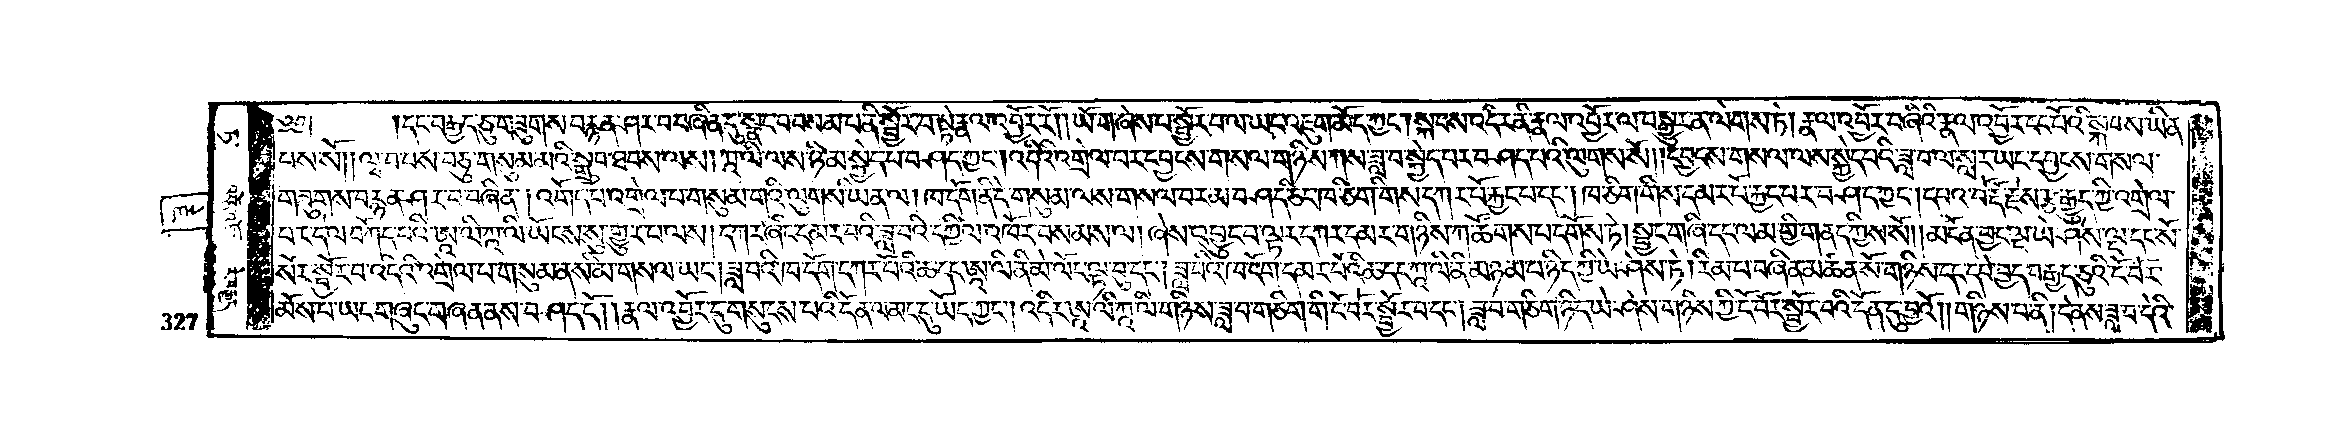༄༅། །དང་བརྒྱད་ཅུ་གཟུགས་བརྙན་ཤར་བ་བཞིན་དུ་སྣང་བ་བསམ་པ་ནི་སྦྱོར་བ་སྟེ་རྣལ་འབྱོར་རོ། །ཡོ་ག་ཞེས་པ་སྦྱོར་བ་ལ་ཡང་འཇུག་མོད་ཀྱང་། སྐབས་འདིར་ནི་རྣལ་འབྱོར་ལ་བསྒྱུར་ན་ལེགས་ཏེ། རྣལ་འབྱོར་བཞིའི་རྣལ་འབྱོར་དང་པོའི་སྐབས་ཡིན་
པས་སོ། །ལྭ་བ་པས་བཅུ་གསུམ་མའི་སྒྲུབ་ཐབས་ལས། ཀཱ་ལི་ལས་ཉི་མ་སྐྱེད་པ་བཤད་ཀྱང་། འདིའི་འགྲེལ་པར་དབྱངས་གསལ་གཉིས་ཀས་ཟླ་བ་སྐྱེད་པར་བཤད་པའི་ལུགས་སོ། །དབྱངས་གསལ་ལས་སྐྱེད་པའི་ཟླ་བ་ལ་སླར་ཡང་དབྱངས་གསལ་
གཟུགས་བརྙན་ཤར་བ་བཞིན། འགོད་པ་འགྲེལ་པ་གསུམ་གའི་ལུགས་ཡིན་ལ། ཁ་དོག་ནི་དེ་གསུམ་ལས་གསལ་བར་མ་བཤད་ཅིང་ཁ་ཅིག་གིས་དཀར་པོ་རྐྱང་པ་དང་། ཁ་ཅིག་གིས་དམར་པོ་རྐྱང་པར་བཤད་ཀྱང་། དཔའ་བོ་རྡོ་རྗེས་རྩ་རྒྱུད་ཀྱི་འགྲེལ་
པར་དེ་ལ་བཀོད་པའི་ཨཱ་ལི་ཀཱ་ལི་ཡོངས་སུ་གྱུར་པ་ལས། དཀར་ཞིང་དམར་བའི་ཟླ་བའི་དཀྱིལ་འཁོར་བསམས་ལ། ཞེས་འབྱུང་བ་ལྟར་དཀར་དམར་གཉིས་ཀ་ཚོགས་པ་དགོས་ཏེ། སྦྱང་གཞི་དང་ལམ་གྱི་གནད་ཀྱིས་སོ། །མངོན་བྱང་ལྔ་ཡེ་ཤེས་ལྔ་དང་སོ་
སོར་སྦྱོར་བ་འདིའི་འགྲེལ་པ་གསུམ་ནས་མི་གསལ་ཡང་། ཟླ་བའི་ཁ་དོག་དཀར་པོའི་ཆ་དང་ཨཱ་ལི་ནི་མེ་ལོང་ལྟ་བུ་དང་། ཟླ་བའི་ཁ་དོག་དམར་པོའི་ཆ་དང་ཀཱ་ལི་ནི་མཉམ་པ་ཉིད་ཀྱི་ཡེ་ཤེས་ཏེ། རིམ་པ་བཞིན་མཚན་སོ་གཉིས་དང་དཔེ་བྱད་བརྒྱད་ཅུའི་ངོ་བོར་
མོས་པ་ཡང་གཞུང་གཞན་ནས་བཤད་དོ། །རྣལ་འབྱོར་དུ་གསུངས་པའི་དོན་ལ་མང་དུ་ཡོད་ཀྱང་། འདིར་ཨཱ་ལི་ཀཱ་ལི་གཉིས་ཟླ་བ་གཅིག་གི་ངོ་བོར་སྦྱོར་བ་དང་། ཟླ་བ་གཅིག་ཉིད་ཡེ་ཤེས་གཉིས་ཀྱི་ངོ་བོར་སྦྱོར་བའི་དོན་དུ་བྱའོ། །གཉིས་པ་ནི། དེ་ནས་ཟླ་བ་དེའི་